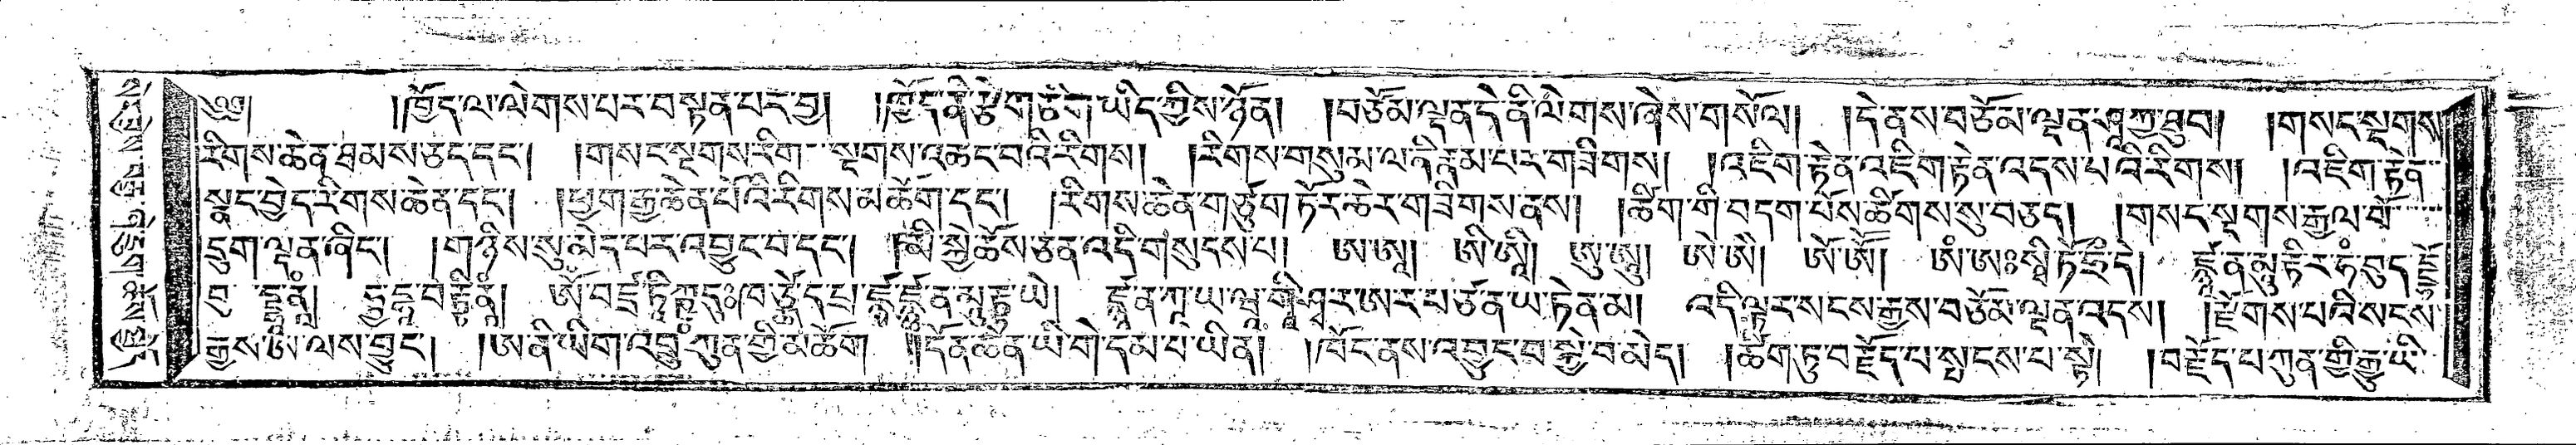༄༅། །ཁྱོད་ལ་ལེགས་པར་བསྟན་པར་བྱ། །ཁྱོད་ནི་རྩེ་གཅིག་ཡིད་ཀྱིས་ཉོན། །བཅོམ་ལྡན་དེ་ནི་ལེགས་ཞེས་གསོལ། །དེ་ནས་བཅོམ་ལྡན་ཤཱཀྱ་ཐུབ། །གསང་སྔགས་
རིགས་ཆེན་ཐམས་ཅད་དང་། །གསང་སྔགས་རིག་སྔགས་འཆང་བའི་རིགས། །རིགས་གསུམ་ལ་ནི་རྣམ་པར་གཟིགས། །འཇིག་རྟེན་འཇིག་རྟེན་འདས་པའི་རིགས། །འཇིག་རྟེན་
སྣང་བྱེད་རིགས་ཆེན་དང་། །ཕྱག་རྒྱ་ཆེན་པོའི་རིགས་མཆོག་དང་། །རིགས་ཆེན་གཙུག་ཏོར་ཆེར་གཟིགས་ནས། །ཚིག་གི་བདག་པོས་ཚིགས་སུ་བཅད། །གསང་སྔགས་རྒྱལ་པོ་
དྲུག་ལྡན་ཞིང་། །གཉིས་སུ་མེད་པར་འབྱུང་བ་དང་། །མི་སྐྱེ་ཆོས་ཅན་འདི་གསུངས་པ། ཨ་ཨཱ། ཨི་ཨཱི། ཨུ་ཨཱུ། ཨེ་ཨཻ། ཨོ་ཨཽ། ཨཾ་ཨཿ སྠི་ཏོ་ཧྲྀ་དེ། ཛྙཱ་ན་མཱུ་རྟི་ར་ཧཾ་བུད་དྡྷོ་
བུ་དྡྷཱ་ནཱཾ། ཧྱ་དྷཱ་བྲྟྟི་ནཱཾ། ཨོཾ་བྫྲ་ཏཱི་ཀྵྞདུཿ ཁ་ཙེཚ་ད་པྲ་ཛྙཱ་ཛྙཱ་ན་མཱུ་རྟྟ་ཡེ། ཛྙཱ་ན་ཀཱ་ཡ་ཝཱ་གཱི་ཤྭ་ར་ཨ་ར་པ་ཙ་ན་ཡ་ཏེན་མ། འདི་ལྟར་སངས་རྒྱས་བཅོམ་ལྡན་འདས། །རྫོགས་པའི་སངས་
རྒྱས་ཨ་ལས་བྱུང་། །ཨ་ནི་ཡིག་འབྲུ་ཀུན་གྱི་མཆོག །དོན་ཆེན་ཡི་གེ་དམ་པ་ཡིན། །ཁོང་ནས་འབྱུང་བ་སྐྱེ་བ་མེད། །ཚིག་ཏུ་བརྗོད་པ་སྤངས་པ་སྟེ། །བརྗོད་པ་ཀུན་གྱི་རྒྱུ་ཡི་